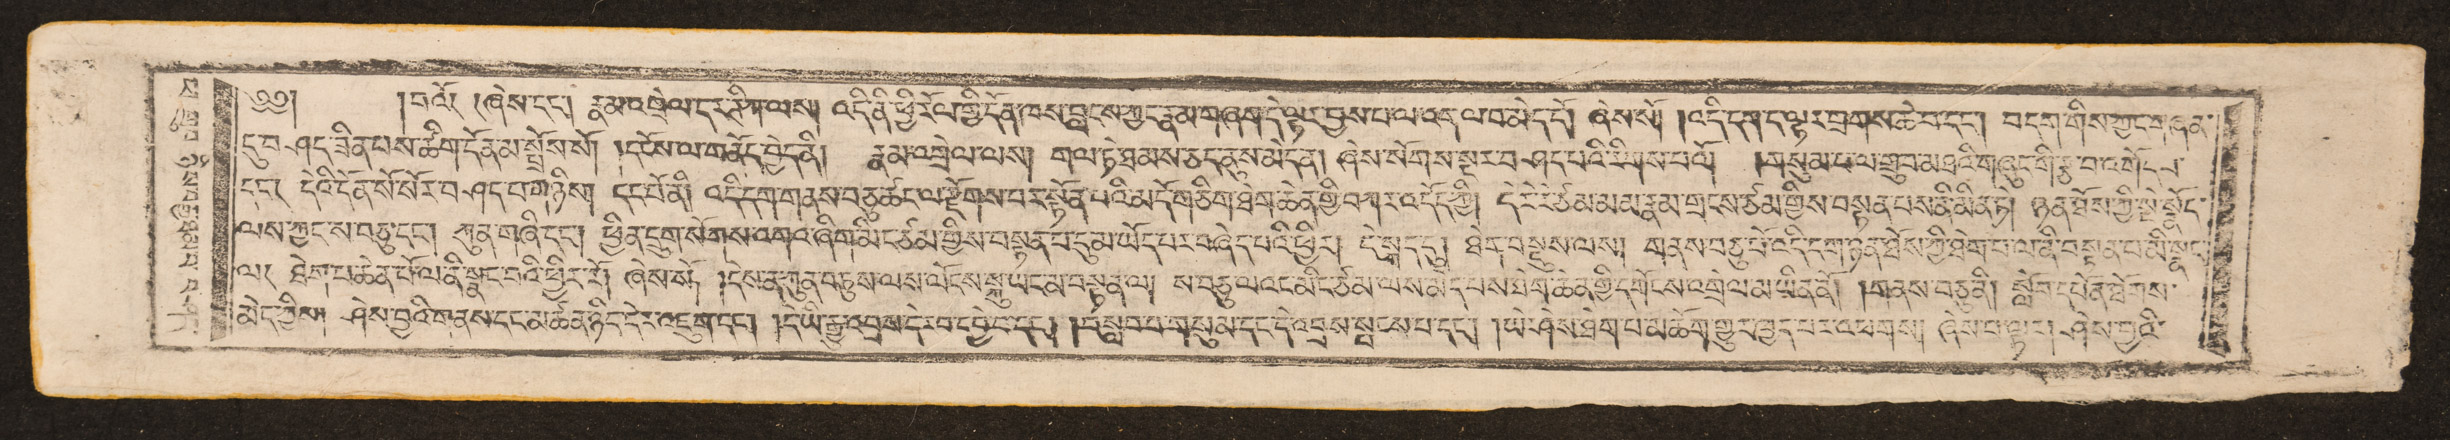༄༅། །པའོ། ༑ཞེས་དང་། རྣམ་འགྲེལ་དར་ཊིཀ་ལས། འདི་ནི་ཕྱི་རོལ་གྱི་དོན་ཁས་བླངས་ཀྱང་རྣམ་གཞག་དེ་ལྟར་བྱས་བ་ལ་འགལ་བ་མེད་དོ། ཞེས་སོ། །འདི་དག་ད་ལྟར་གྲགས་ཆེ་བ་དང་། བདག་གིས་ཀྱང་གཞན་
དུ་བཤད་ཟིན་པས་ཚིག་དོན་མ་སྤྲོས་སོ། །དངོས་ལ་གནོད་བྱེད་ནི། རྣམ་འགྲེལ་ལས། གལ་ཏེ་ཐམས་ཅད་ནུས་མེད་ན། ཞེས་སོགས་སྔར་བཤད་པའི་རིགས་པའོ། །གསུམ་པ་ལ་གྲུབ་མཐའི་གཞུང་གི་རྩ་བ་འགོད་པ་
དང༑ དེའི་དོན་སོ་སོར་བཤད་པ་གཉིས། དང་པོ་ནི། འདི་དག་གནས་བཅུ་ཚང་ལ་རྫོགས་པར་སྟོན་པའི་མདོ་གཅིག་ཐེག་ཆེན་གྱི་བཀར་འདོད་ཀྱི། དེ་རེ་རེ་ཙམ་མམ་རྣམ་གྲངས་ཙམ་གྱིས་བསྟན་པས་ནི་མིན་ཏེ། ཉན་ཐོས་ཀྱི་སྡེ་སྣོད་
ལས་ཀྱང་ས་བཅུ་དང་། ཀུན་གཞི་དང་། ཕྱིན་དྲུག་སོགས་འགའ་ཞིག་མིང་ཙམ་གྱིས་བསྟན་པ་དུ་མ་ཡོད་པར་བཞེད་པའི་ཕྱིར། དེ་སྐད་དུ། ཐེག་བསྡུས་ལས། གནས་བཅུ་བོ་འདི་དག་ཉན་ཐོས་ཀྱི་ཐག་པ་ལ་ནི་བསྟན་པ་མི་སྣང་
ལ༑ ཐེག་པ་ཆེན་པོ་ལ་ནི་སྣང་བའི་ཕྱིར་རོ། ཞེས་སོ། །དེས་ན་ཀུན་བཏུས་ལས་ལོངས་སྐུ་ཡང་མ་བསྟན་ལ། ས་བཅུ་ལའང་མིང་ཙམ་ལས་མེད་པས་ཐེག་ཆེན་གྱི་དགོངས་འགྲེལ་མ་ཡིན་ནོ། །གནས་བཅུ་ནི། སློབ་དཔོན་ཐོགས་
མེད་ཀྱིས། ཤེས་བྱའི་གནས་དང་མཚན་ཉིད་དེར་འཇུག་དང་། །དེ་ཡི་རྒྱུ་འབྲས་དེ་རབ་དབྱེ་བ་དང་། །བསླབ་བ་གསུམ་དང་དེ་འབྲས་སྤངས་པ་དང་། །ཡེ་ཤེས་ཐེག་པ་མཆོག་གྱུར་ཁྱད་པར་འཕགས། ཞེས་པ་ལྟར། ཤེས་བྱའི་